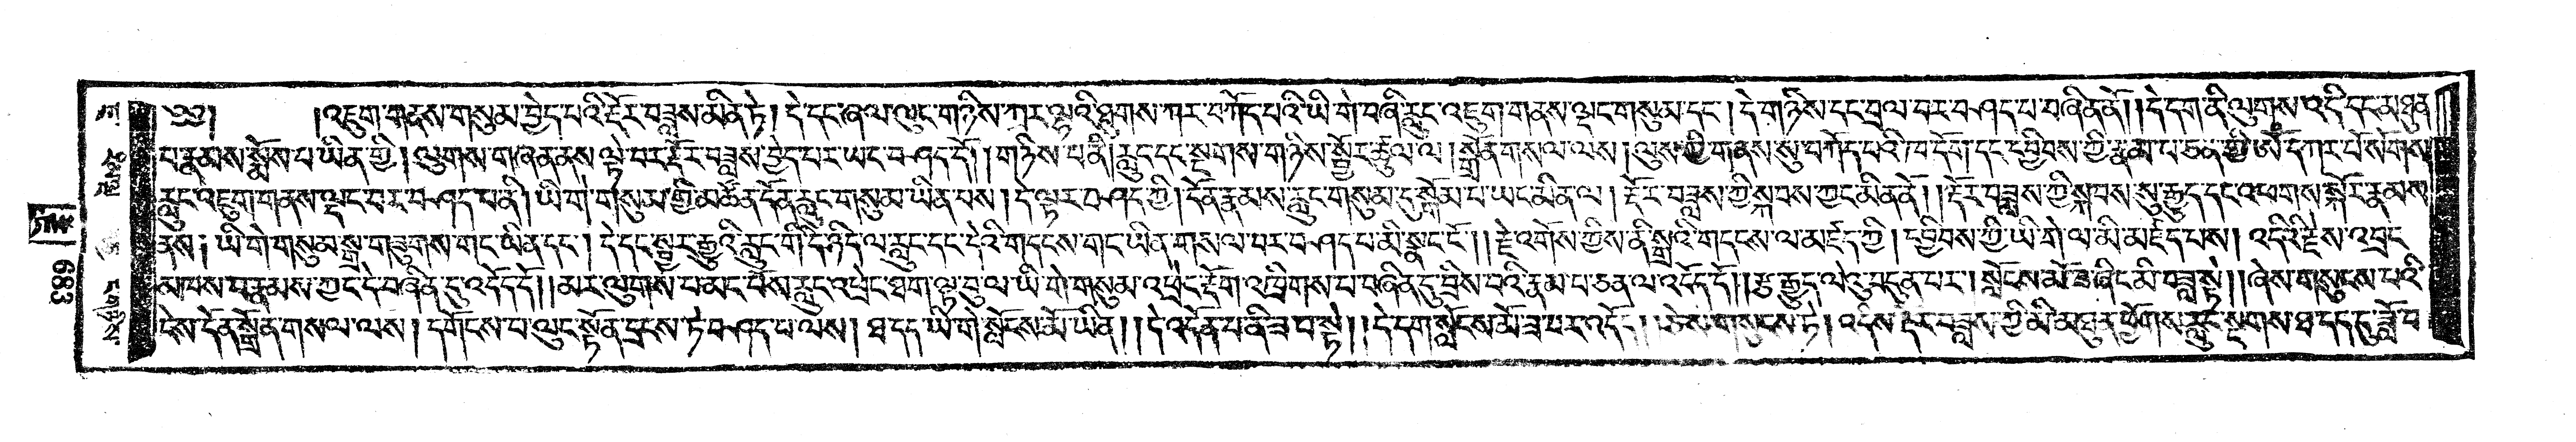༄༅། །འཇུག་གནས་གསུམ་བྱེད་པའི་རྡོར་བཟླས་མིན་ཏེ། དེ་དང་ཞལ་ལུང་གཉིས་ཀར་ལྷའི་ཐུགས་ཀར་བཀོད་པའི་ཡི་གེ་བཞི་རླུང་འཇུག་གནས་ལྡང་གསུམ་དང་། དེ་གཉིས་དང་བྲལ་བར་བཤད་པ་བཞིན་ནོ། །དེ་དག་ནི་ལུགས་འདི་དང་མཐུན་
པ་རྣམས་སྨོས་པ་ཡིན་གྱི། ལུགས་གཞན་ནས་ལྟེ་བར་རྡོར་བཟླས་བྱེད་པར་ཡང་བཤད་དོ། །གཉིས་པ་ནི། རླུང་དང་སྔགས་གཉིས་སྦྱོར་ཚུལ་ལ། སྒྲོན་གསལ་ལས། ལུས་ཀྱི་གནས་སུ་བཀོད་པའི་ཁ་དོག་དང་དབྱིབས་ཀྱི་རྣམ་པ་ཅན་གྱི་ཨོཾ་དཀར་པོ་སོགས་
རླུང་འཇུག་གནས་ལྡང་བར་བཤད་པ་ནི། ཡི་གེ་གསུམ་གྱི་མཚོན་དོན་རླུང་གསུམ་ཡིན་པས། དེ་ལྟར་བཤད་ཀྱི། དོན་རྣམས་རླུང་གསུམ་དུ་སྒོམ་པ་ཡང་མིན་ལ། རྡོར་བཟླས་ཀྱི་སྐབས་ཀྱང་མིན་ནོ། །རྡོར་བཟླས་ཀྱི་སྐབས་སུ་རྒྱུད་དང་འཕགས་སྐོར་རྣམས་
ནས། ཡི་གེ་གསུམ་སྒྲ་གཟུགས་གང་ཡིན་དང་། དེ་དང་སྦྱར་རྒྱུའི་རླུང་གི་དེ་ཉིད་ལ་རླུང་དང་དེའི་གདངས་གང་ཡིན་གསལ་བར་བཤད་པ་མི་སྣང་ངོ། །རྗེ་འགོས་ཀྱིས་ནི་སྒྲའི་གདངས་ལ་མཛད་ཀྱི། དབྱིབས་ཀྱི་ཡི་གེ་ལ་མི་མཛད་པས། འདིའི་རྗེས་འབྲང་
མཁས་པ་རྣམས་ཀྱང་དེ་བཞིན་དུ་འདོད་དོ། །མར་ལུགས་པ་མང་པོས་རླུང་འཕྲེང་ཐག་ལྟ་བུ་ལ་ཡི་གེ་གསུམ་འཕྲེང་རྡོག་འཁྲིགས་པ་བཞིན་དུ་བྲིས་པའི་རྣམ་པ་ཅན་ལ་འདོད་དོ། །རྩ་རྒྱུད་ལེའུ་བདུན་པར། སློངས་མོ་ཟ་ཞིང་མི་བཟླ་སྟེ། །ཞེས་གསུངས་པའི་
ངས་དོན་སྒྲོན་གསལ་ལས། དགོངས་པ་ལུང་སྟོན་དྲངས་ཏེ་བཤད་པ་ལས། ཐ་དད་ཡི་གེ་སློངས་མོ་ཡིན། །དེ་འདོན་པ་ནི་ཟ་བ་སྟེ། །དེ་དག་སློངས་མོ་ཟ་བར་འདོད། །ཅེས་གསུངས་ཏེ། འདིས་རྡོར་བཟླས་ཀྱི་མི་མཐུན་ཕྱོགས་རླུང་སྔགས་ཐ་དད་དུ་ཟློ་བ་